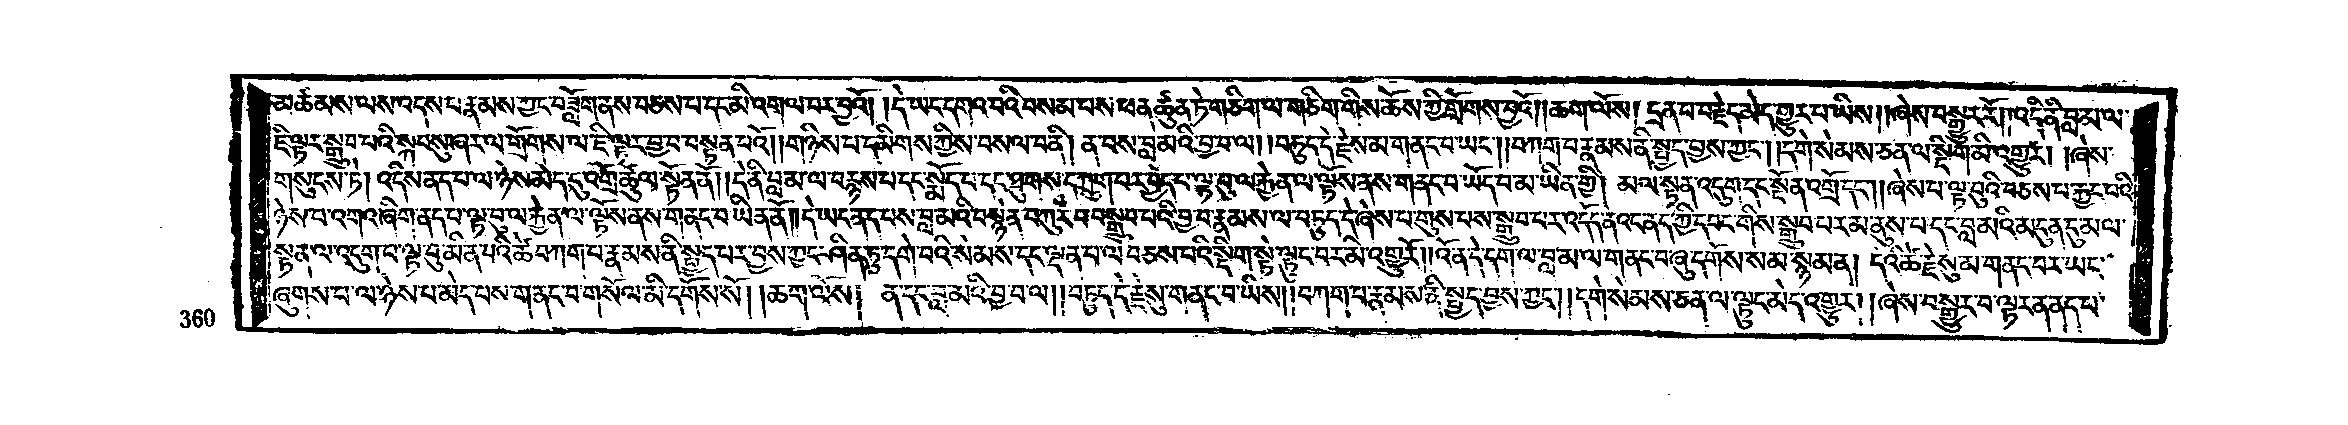མཚམས་ལས་འདས་པ་རྣམས་ཀྱང་བཟློག་ནས་བཅས་པ་དང་མི་འགལ་བར་བྱའོ། །དེ་ཡང་དགའ་བའི་བསམ་པས་ཕན་ཚུན་ཏེ་གཅིག་ལ་གཅིག་གིས་ཆོས་ཀྱི་གྲོགས་བྱའོ། །ཆག་ལོས། དྲན་པ་བརྗེད་མེད་གྱུར་པ་ཡིས། །ཞེས་བསྒྱུར་རོ། །འདི་ནི་བླ་མ་ལ་
ཇི་ལྟར་སྒྲུབ་པའི་སྐབས་སུ་ཞར་ལ་གྲོགས་ལ་ཇི་ལྟར་བྱ་བ་བསྟན་པའོ། །གཉིས་པ་དམིགས་ཀྱིས་བསལ་བ་ནི། ན་བས་བླ་མའི་བྱ་བ་ལ། །བཏུད་དེ་རྗེས་མ་གནང་བ་ཡང་། །བཀག་པ་རྣམས་ནི་སྤྱད་བྱས་ཀྱང་། །དགེ་སེམས་ཅན་ལ་སྡིག་མི་འགྱུར། །ཞེས་
གསུངས་ཏེ། འདིས་ནད་པ་ལ་ཉེས་མེད་དུ་འགྲོ་ཚུལ་སྟོན་ནོ། །དེ་ནི་བླ་མ་ལ་བརྙས་པ་དང་སྨོད་པ་དང་ཐུགས་དཀྲུག་པར་བྱེད་པ་ལྟ་བུ་ལ་རྐྱེན་ལ་ལྟོས་ནས་གནང་བ་ཡོད་པ་མ་ཡིན་གྱི། མལ་སྟན་འདུག་དང་སྔོན་འགྲོ་དང་། །ཞེས་པ་ལྟ་བུའི་བཅས་པ་རྐྱང་པའི་
ཉེས་པ་འགའ་ཞིག་ནད་པ་ལྟ་བུ་ལ་རྐྱེན་ལ་ལྟོས་ནས་གནང་བ་ཡིན་ནོ། །དེ་ཡང་ནད་པས་བླ་མའི་བསྙེན་བཀུར་བ་བསྒྲུབ་པའི་བྱ་བ་རྣམས་ལ་བཏུད་དེ་ཞེས་པ་གུས་པས་སྒྲུབ་པར་འདོད་ནའང་ནད་ཀྱི་དབང་གིས་སྒྲུབ་པར་མ་ནུས་པ་དང་བླ་མའི་མདུན་དུ་མལ་
སྟན་ལ་འདུག་པ་ལྟ་བུ་མིན་པའི་ཚེ་བཀག་པ་རྣམས་ནི་སྤྱད་པར་བྱས་ཀྱང་ཤིན་ཏུ་དགེ་བའི་སེམས་དང་ལྡན་པ་ལ་བཅས་པའི་སྡིག་སྟེ་ལྟུང་བར་མི་འགྱུར་རོ། །འོ་ན་དེ་དག་ལ་བླ་མ་ལ་གནང་བ་ཞུ་དགོས་སམ་སྙམ་ན། དེའི་ཚེ་རྗེས་སུ་མ་གནང་བར་ཡང་
ཞུགས་པ་ལ་ཉེས་པ་མེད་པས་གནང་བ་གསོལ་མི་དགོས་སོ། །ཆག་ལོས། ན་དང་བླ་མའི་བྱ་བ་ལ། །བཏུད་དེ་རྗེས་སུ་གནང་བ་ཡིས། །བཀག་པ་རྣམས་ནི་སྤྱད་བྱས་ཀྱང་། །དགེ་སེམས་ཅན་ལ་ལྟུང་མེད་འགྱུར། །ཞེས་བསྒྱུར་བ་ལྟར་ན་ནད་པ་